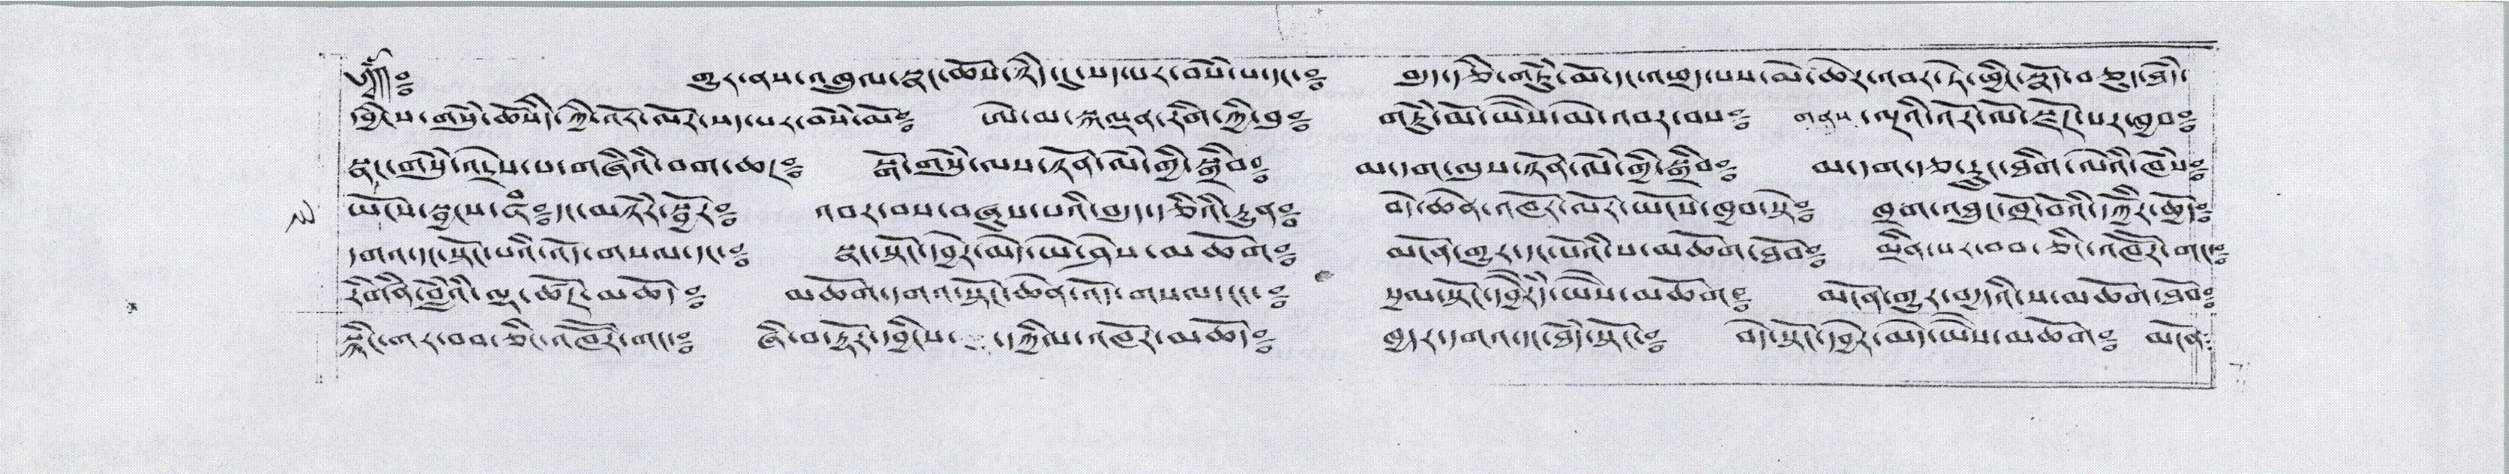གྱུར་ནས་འཁྲུལ་སྣང་ཆོས་ཉིད་དུ་སད་པར་བསམ་པ་དང༔ བདུད་རྩི་གཏུམ་མོ་དང་འཕྲད་པས་མེ་ཆེར་འབར་ཏེ་ཕྱི་ནང་སྣོད་བཅུད་ཐམས་ཅད་
དབྱིངས་གསུམ་ཆོས་ཉིད་ཀྱི་འཁོར་ལོར་སད་པར་བསམ་མོ༔ ཨེ་མ་སྐལ་ལྡན་རིག་ཀྱི་བུ༔ གཏུམ་མོ་ཡེ་ཤེས་མེ་འབར་བས༔ གནས་ལྔའི་འཁོར་ལོ་རྫོགས་པར་ཁྱབ༔ 
སྣང་གསུམ་འདྲེས་པ་གཞིའི་བག་ཆགས༔ སྒོ་གསུམ་ལས་ཉོན་ལམ་གྱི་སྒྲིབ༔ མ་དག་ལུས་ཉོན་ལམ་གྱི་སྒྲིབ༔ མ་དག་རྩ་རླུང་ཐིག་ལེའི་ཁམས༔ 
ཡོངས་སྦྱངས་ཧཾ༔དང་མཉམ་པར་སྦྱོར༔ འབར་བས་བཞུས་པའི་བདུད་རྩིའི་རྒྱུན༔ བདེ་ཆེན་འཁོར་ལོར་ཡོངས་ཁྱབ་སྟེ༔ ཁྲག་འཐུང་ཁྲོ་བོའི་དཀྱིལ་འཁོར་མཆོད༔ 
དགའ་དང་སྟོང་པའི་འོད་གསལ་དང༔ སྣང་སྟོང་དབྱེར་མེད་ཡེ་ཤེས་མཆོག༔ མངོན་གྱུར་དང་པོའི་ས་མཆོག་ཐོབ༔ མགྲིན་པར་བབ་ཅིང་འཁོར་ལོ་གང༔ 
རིན་འཛིན་བླ་མའི་ལྷ་ཚོགས་མཆོད༔ མཆོག་དགའ་སྟོང་ཆེན་འོད་གསལ་ངང༔ གསལ་སྟོང་དབྱེར་མེད་ཡེ་ཤེས་མཆོག༔ མངོན་གྱུར་བརྒྱད་ཀྱི་ས་མཆོག་ཐོབ༔ 
སྙིང་གར་བབ་ཅིང་འཁོར་ལོ་གང༔ ཞི་བ་རྡོར་དབྱིངས་དཀྱིལ་འཁོར་མཆོད༔ ཁྱད་པར་དགའ་དང་ཐམས་ཅད་སྟོང༔ བདེ་སྟོང་དབྱེར་མེད་ཡེ་ཤེས་མཆོག༔ མངོན་